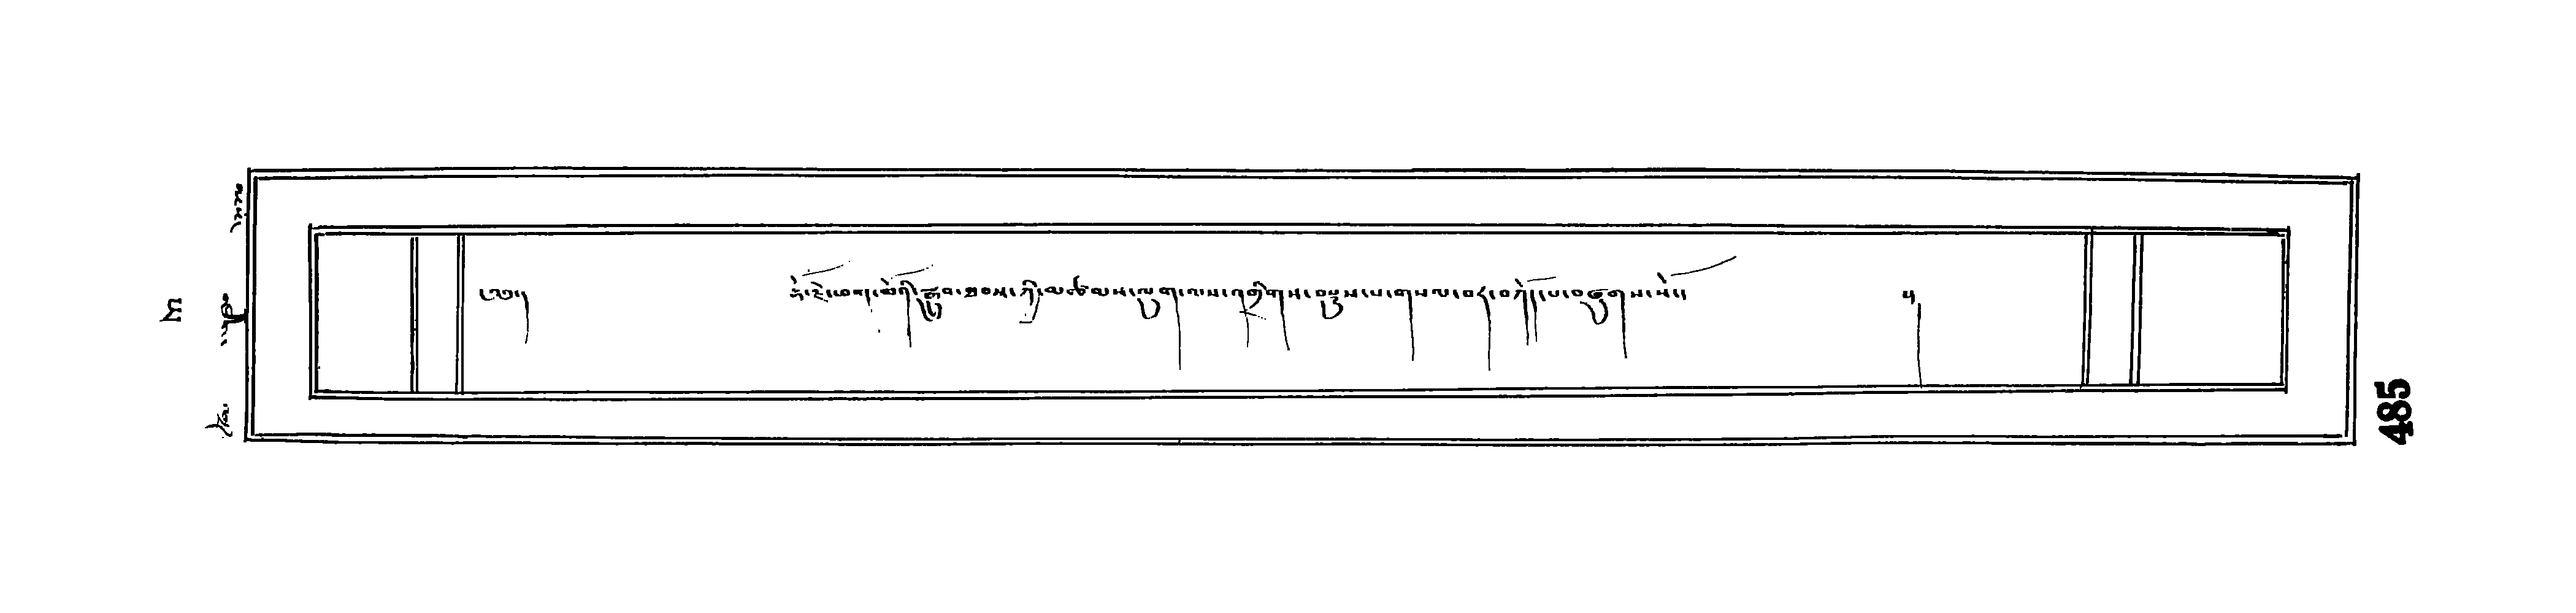༄༅། རྡོ་རྗེ་ཕག་མོའི་སྒྲུབ་ཐབས་ཀྱི་མཚམས་འདུག་ལས་འགྲིགས་བསྡུས་པ་གསལ་བར་བཀོད་པ་བཞུགས་སོ།།